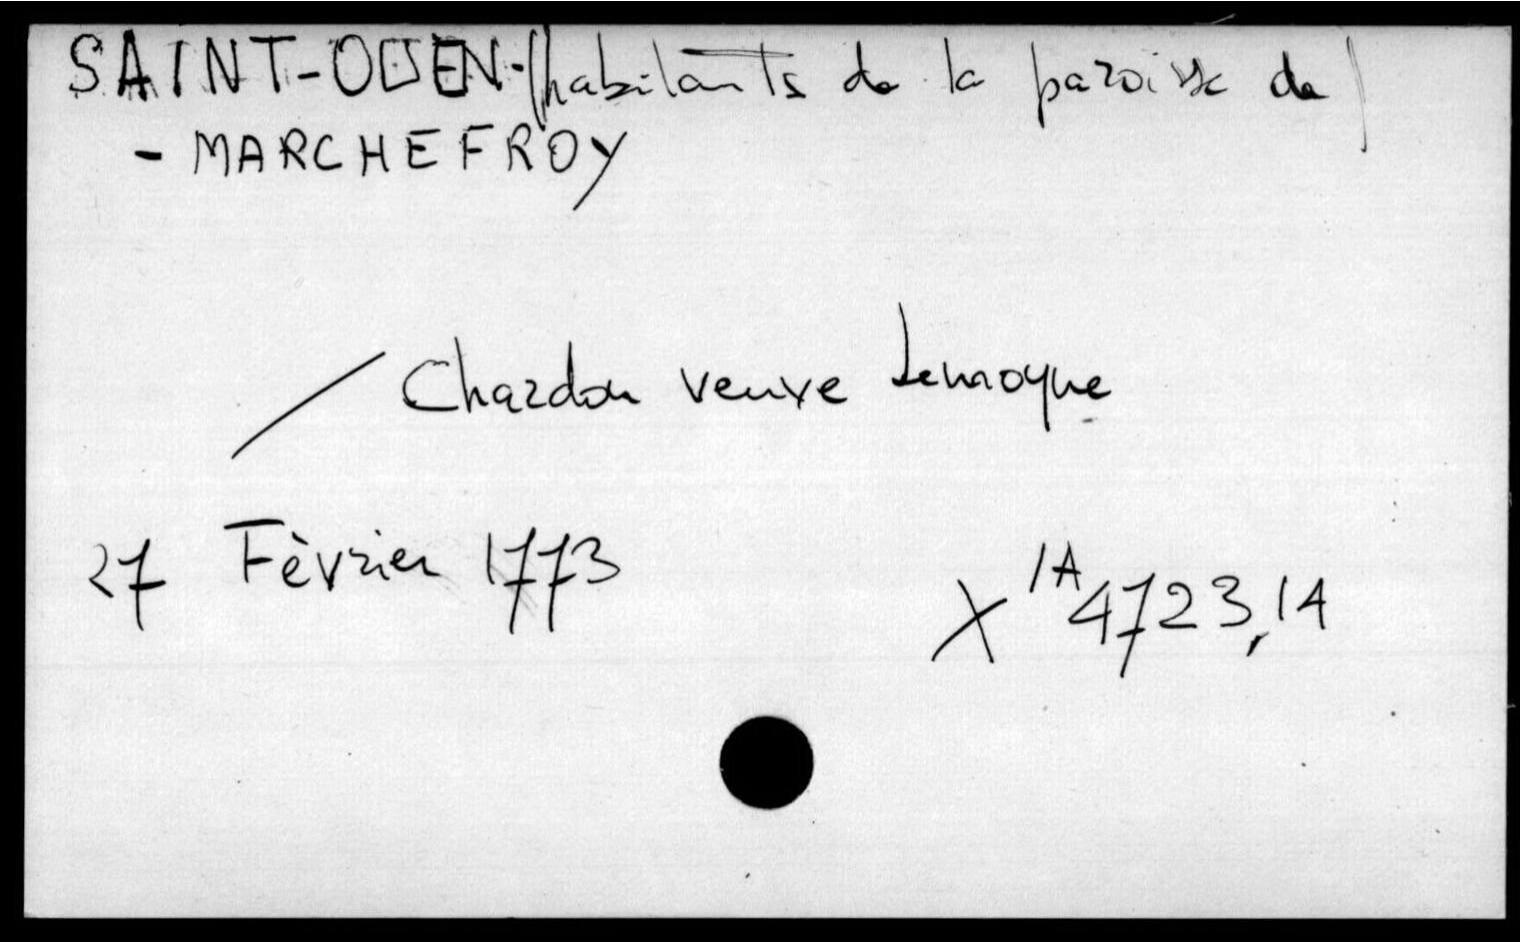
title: SAINT-OUEN-MARCHEFROY (habitants de la paroisse de)
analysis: Contre Chardon Veuve Lemoyne
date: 27 février 1773
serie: X1A
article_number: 4723
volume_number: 14
